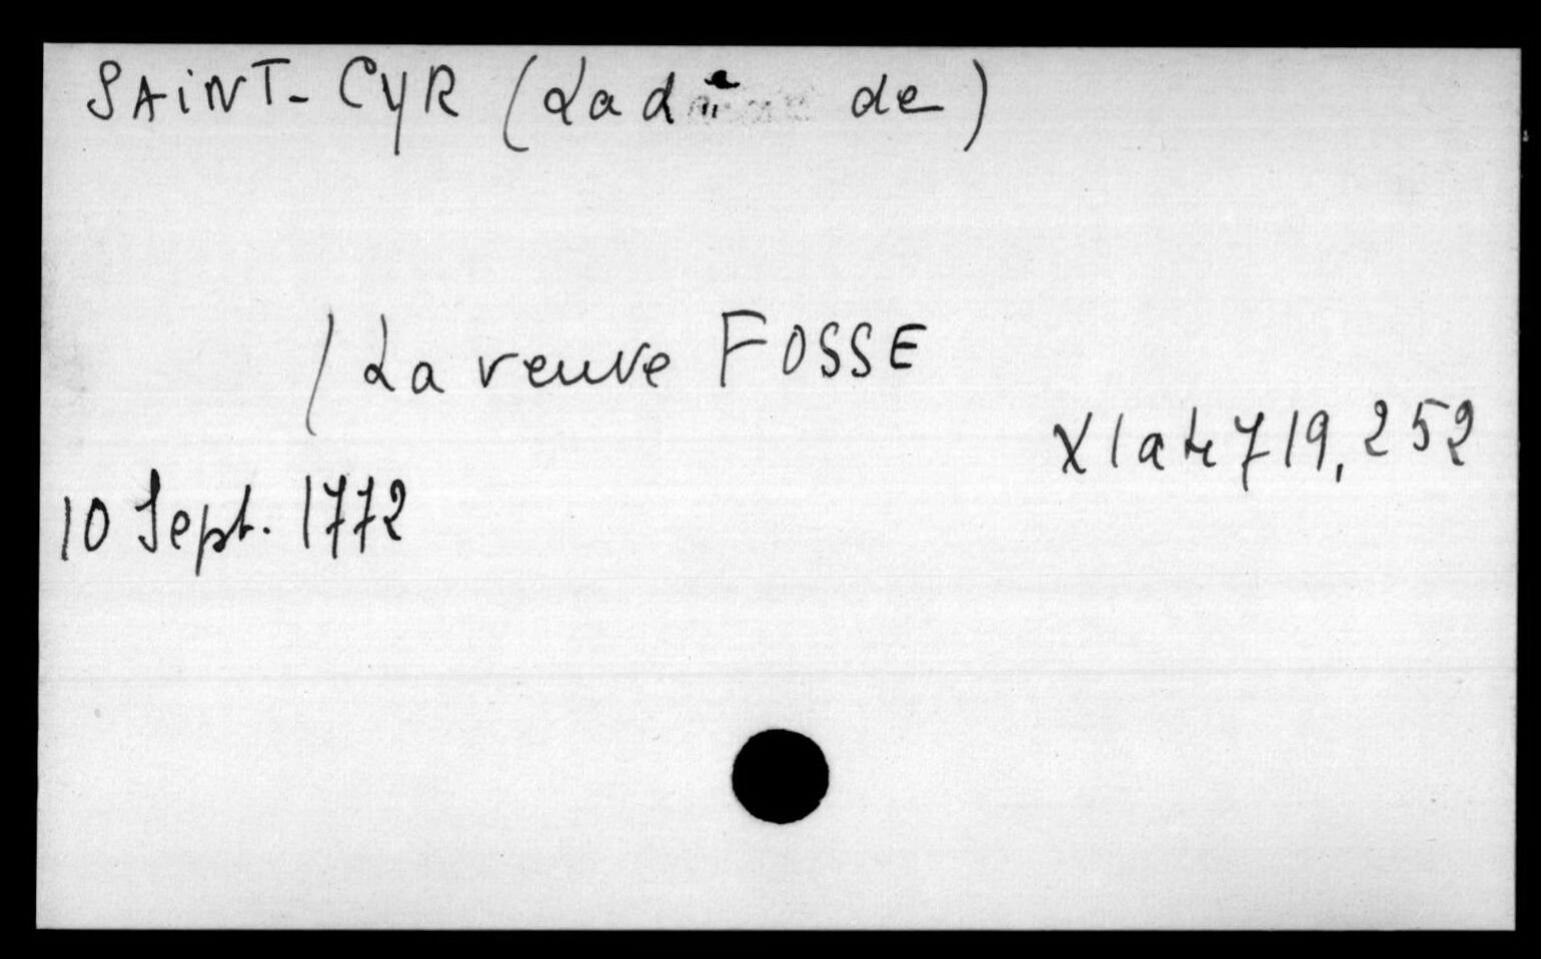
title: SAINT-CYR (la dame de)
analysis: Contre La veuve FOSSE
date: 10 septembre 1772
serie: X1a
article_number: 4719
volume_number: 252
